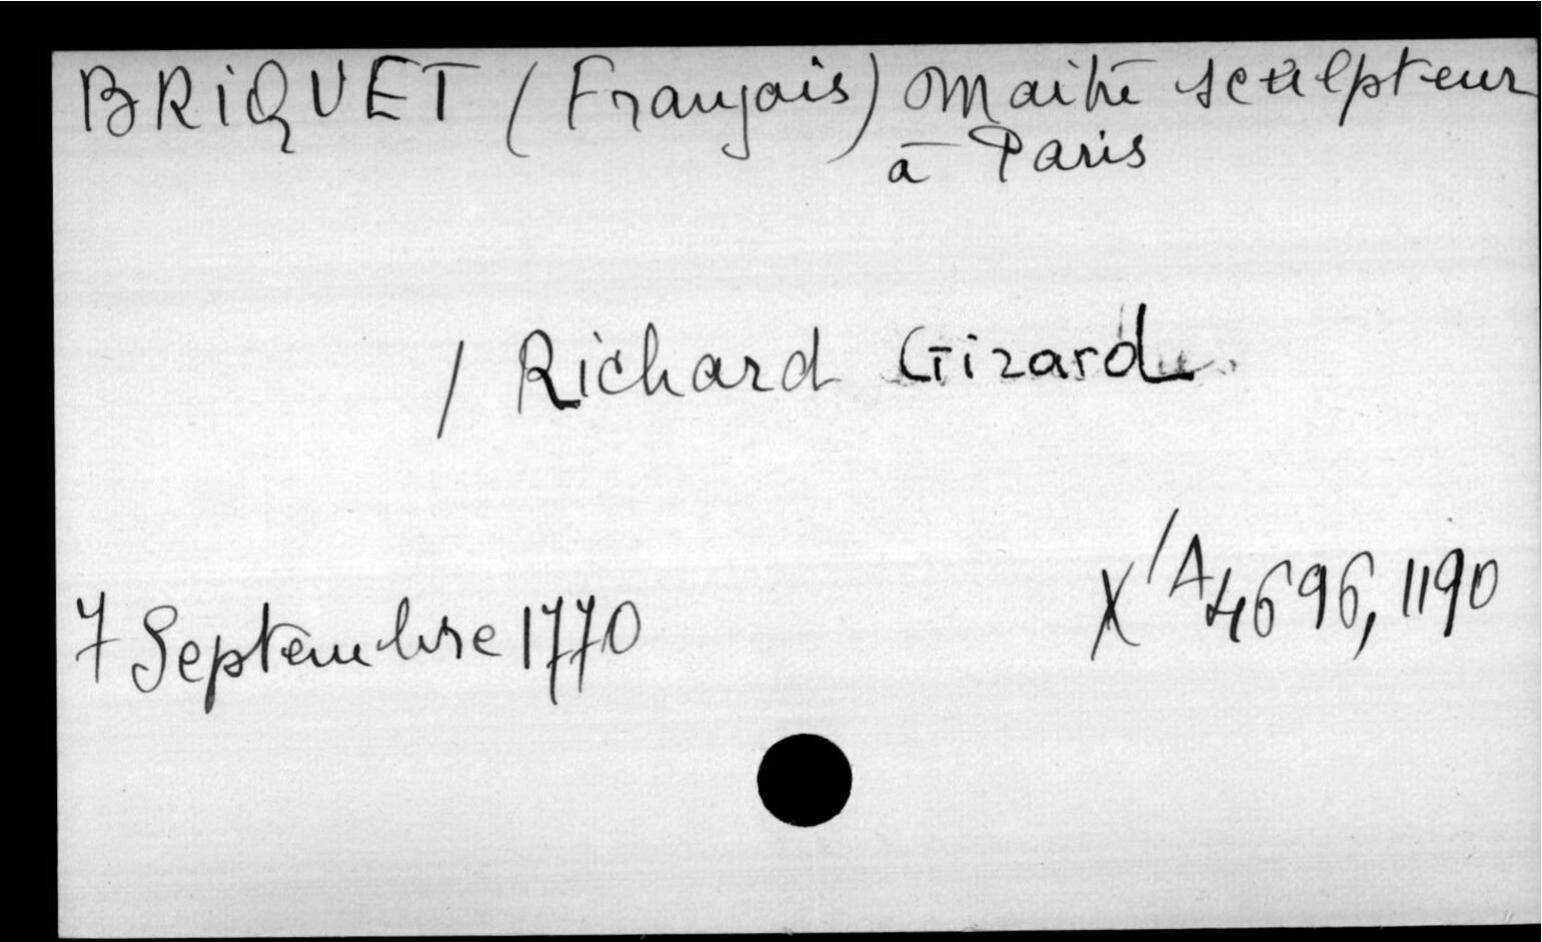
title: BRIQUET (François) Maître Scalpteur à Paris
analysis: Contre Richard Girard
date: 7 septembre 1770
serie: X1A
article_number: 4696
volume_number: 1190
